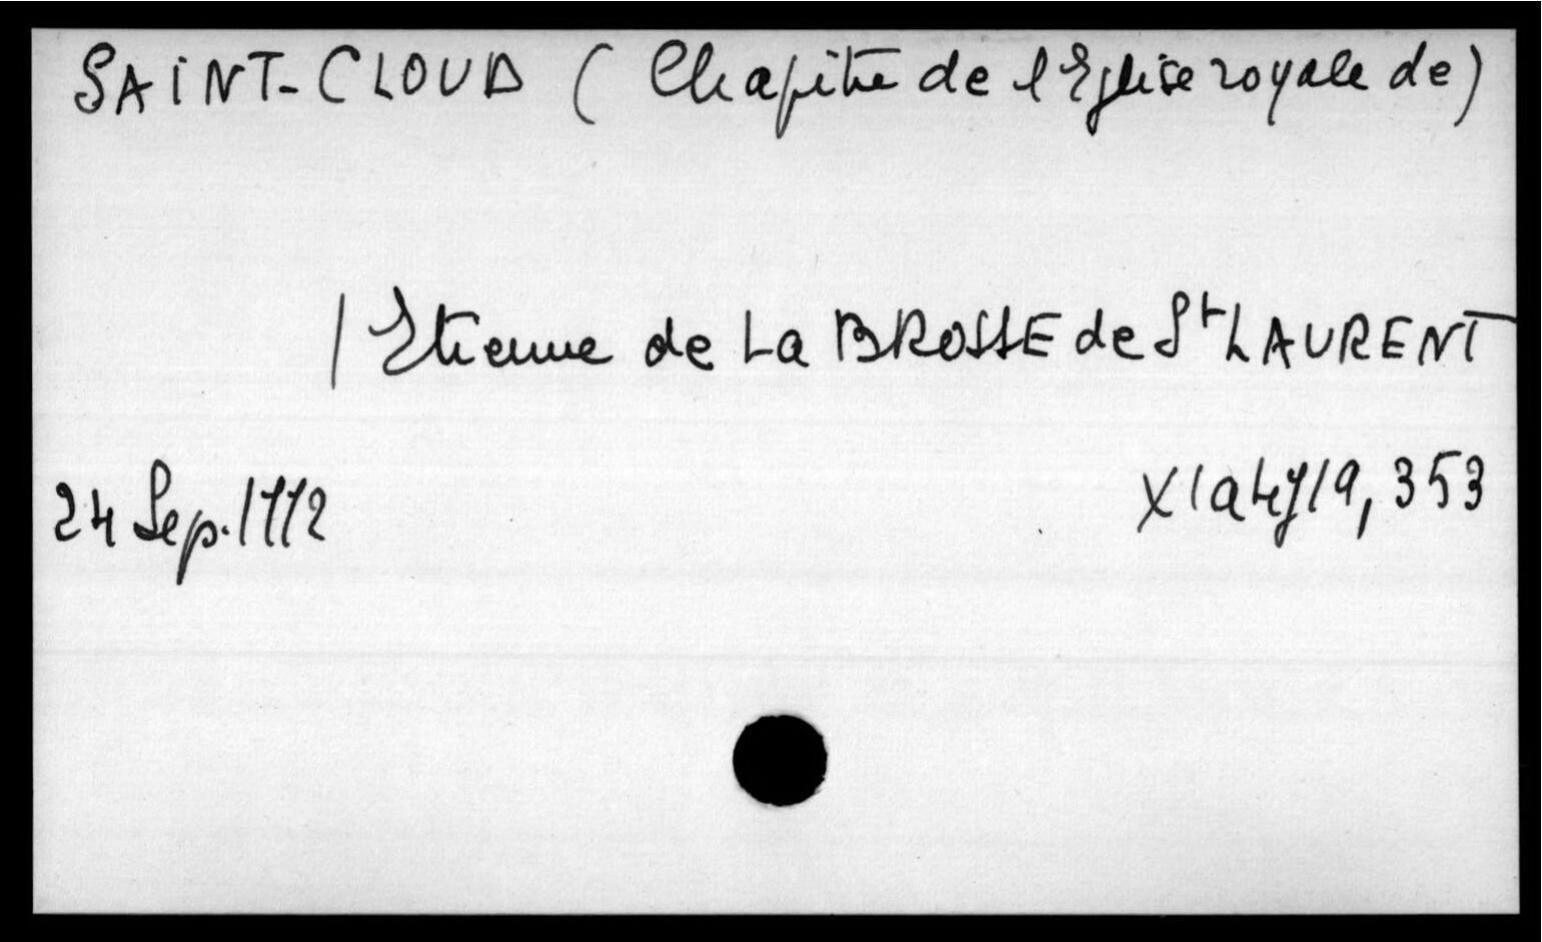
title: SAINT-CLOUD (Chapitre de l'Eglise royale de)
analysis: Contre Etienne de La Brosse de Saint-LAURENT
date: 24 septembre 1772
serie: X1a
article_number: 4719
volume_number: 353
